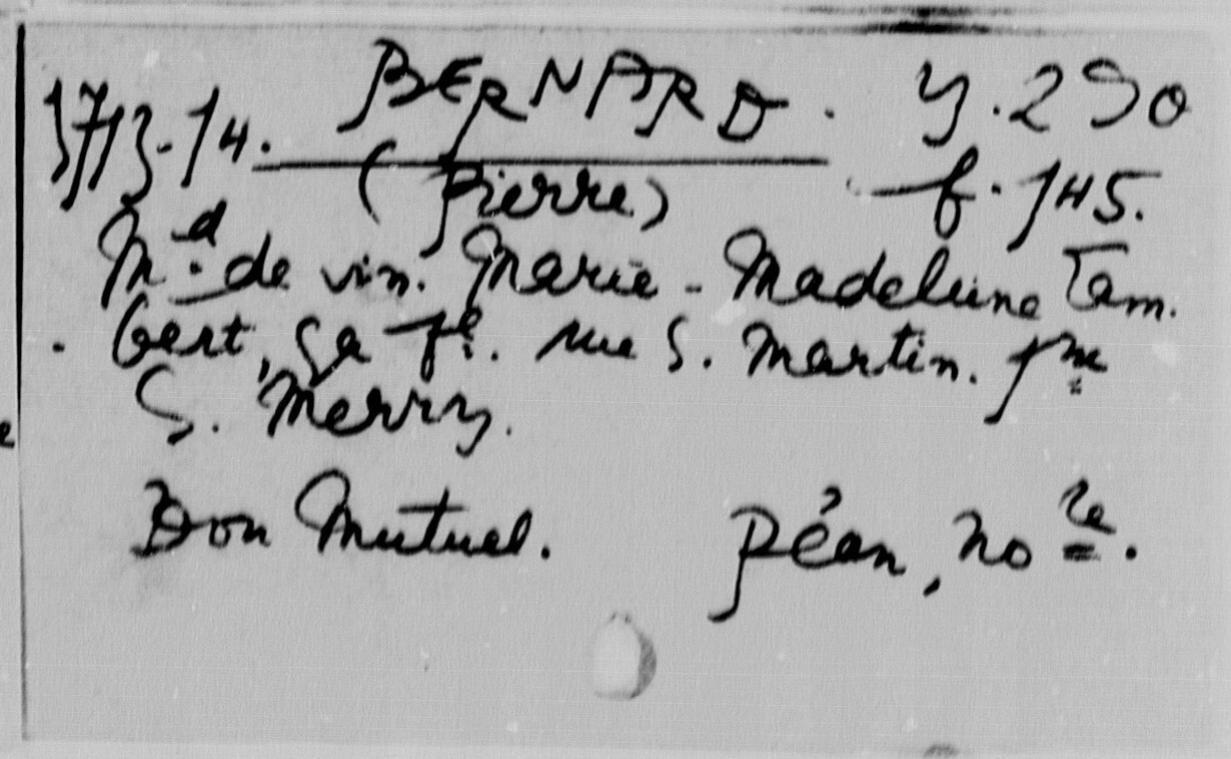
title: BERNARD (Pierre)
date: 1713-1714
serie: Y
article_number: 290
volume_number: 145
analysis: Marchand de vin. Marie-Madeleine Lambert, sa femme, rue Saint-Martin-paroisse Saint-Merry. Don mutuel. Péan, notaire.
